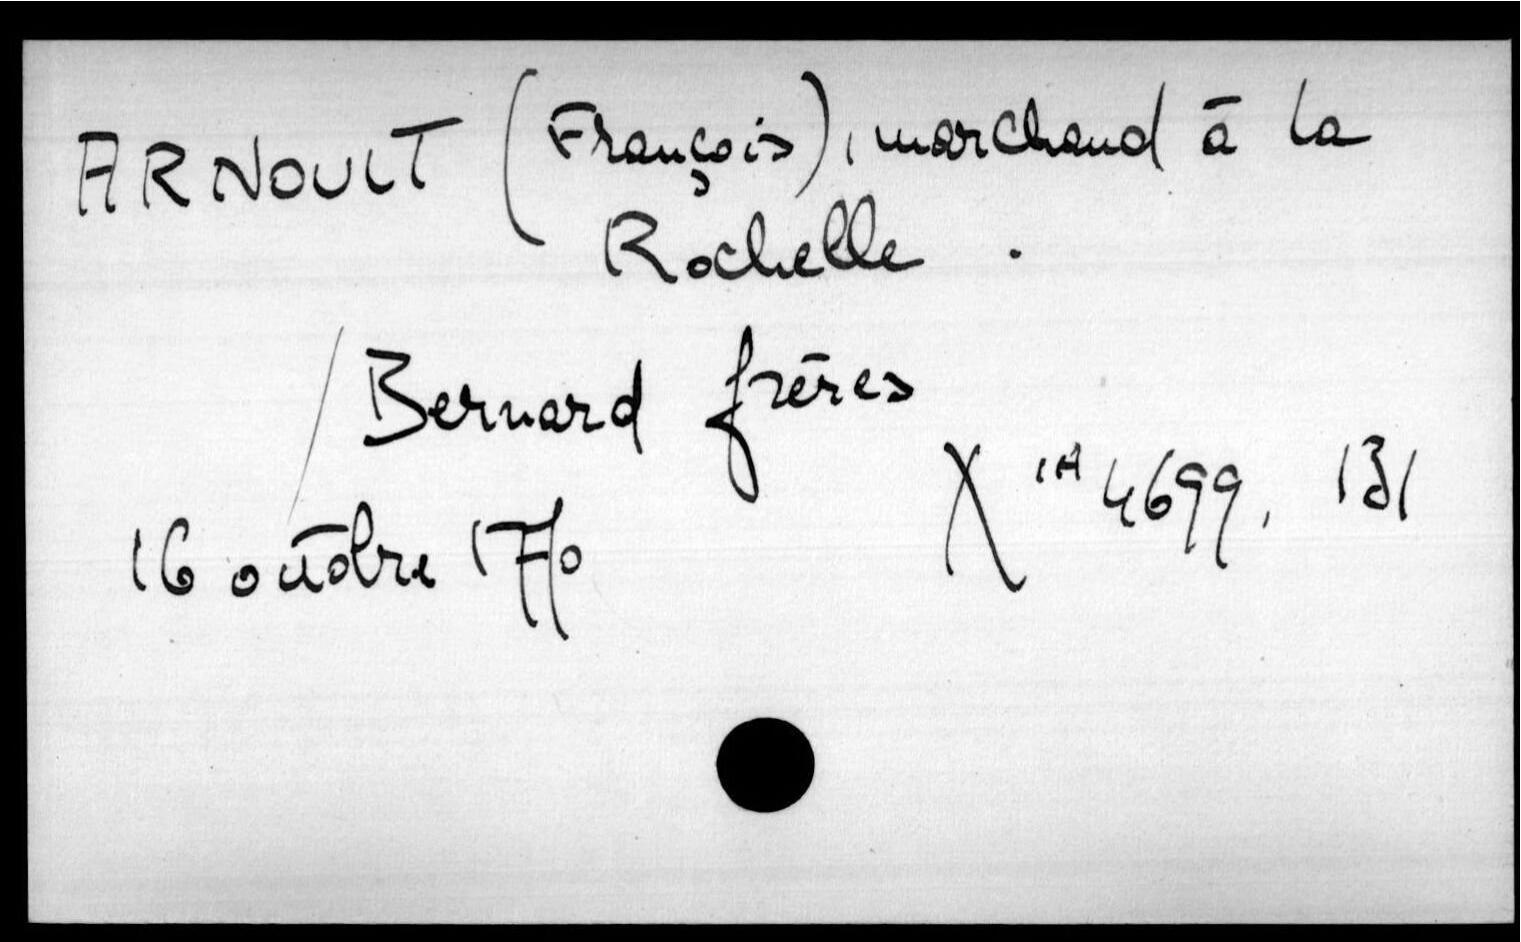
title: ARNOULT (François), marchand à La Rochelle
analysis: Contre Bernard frères
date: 16 octobre 1770
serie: X1A
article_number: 4699
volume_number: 131
